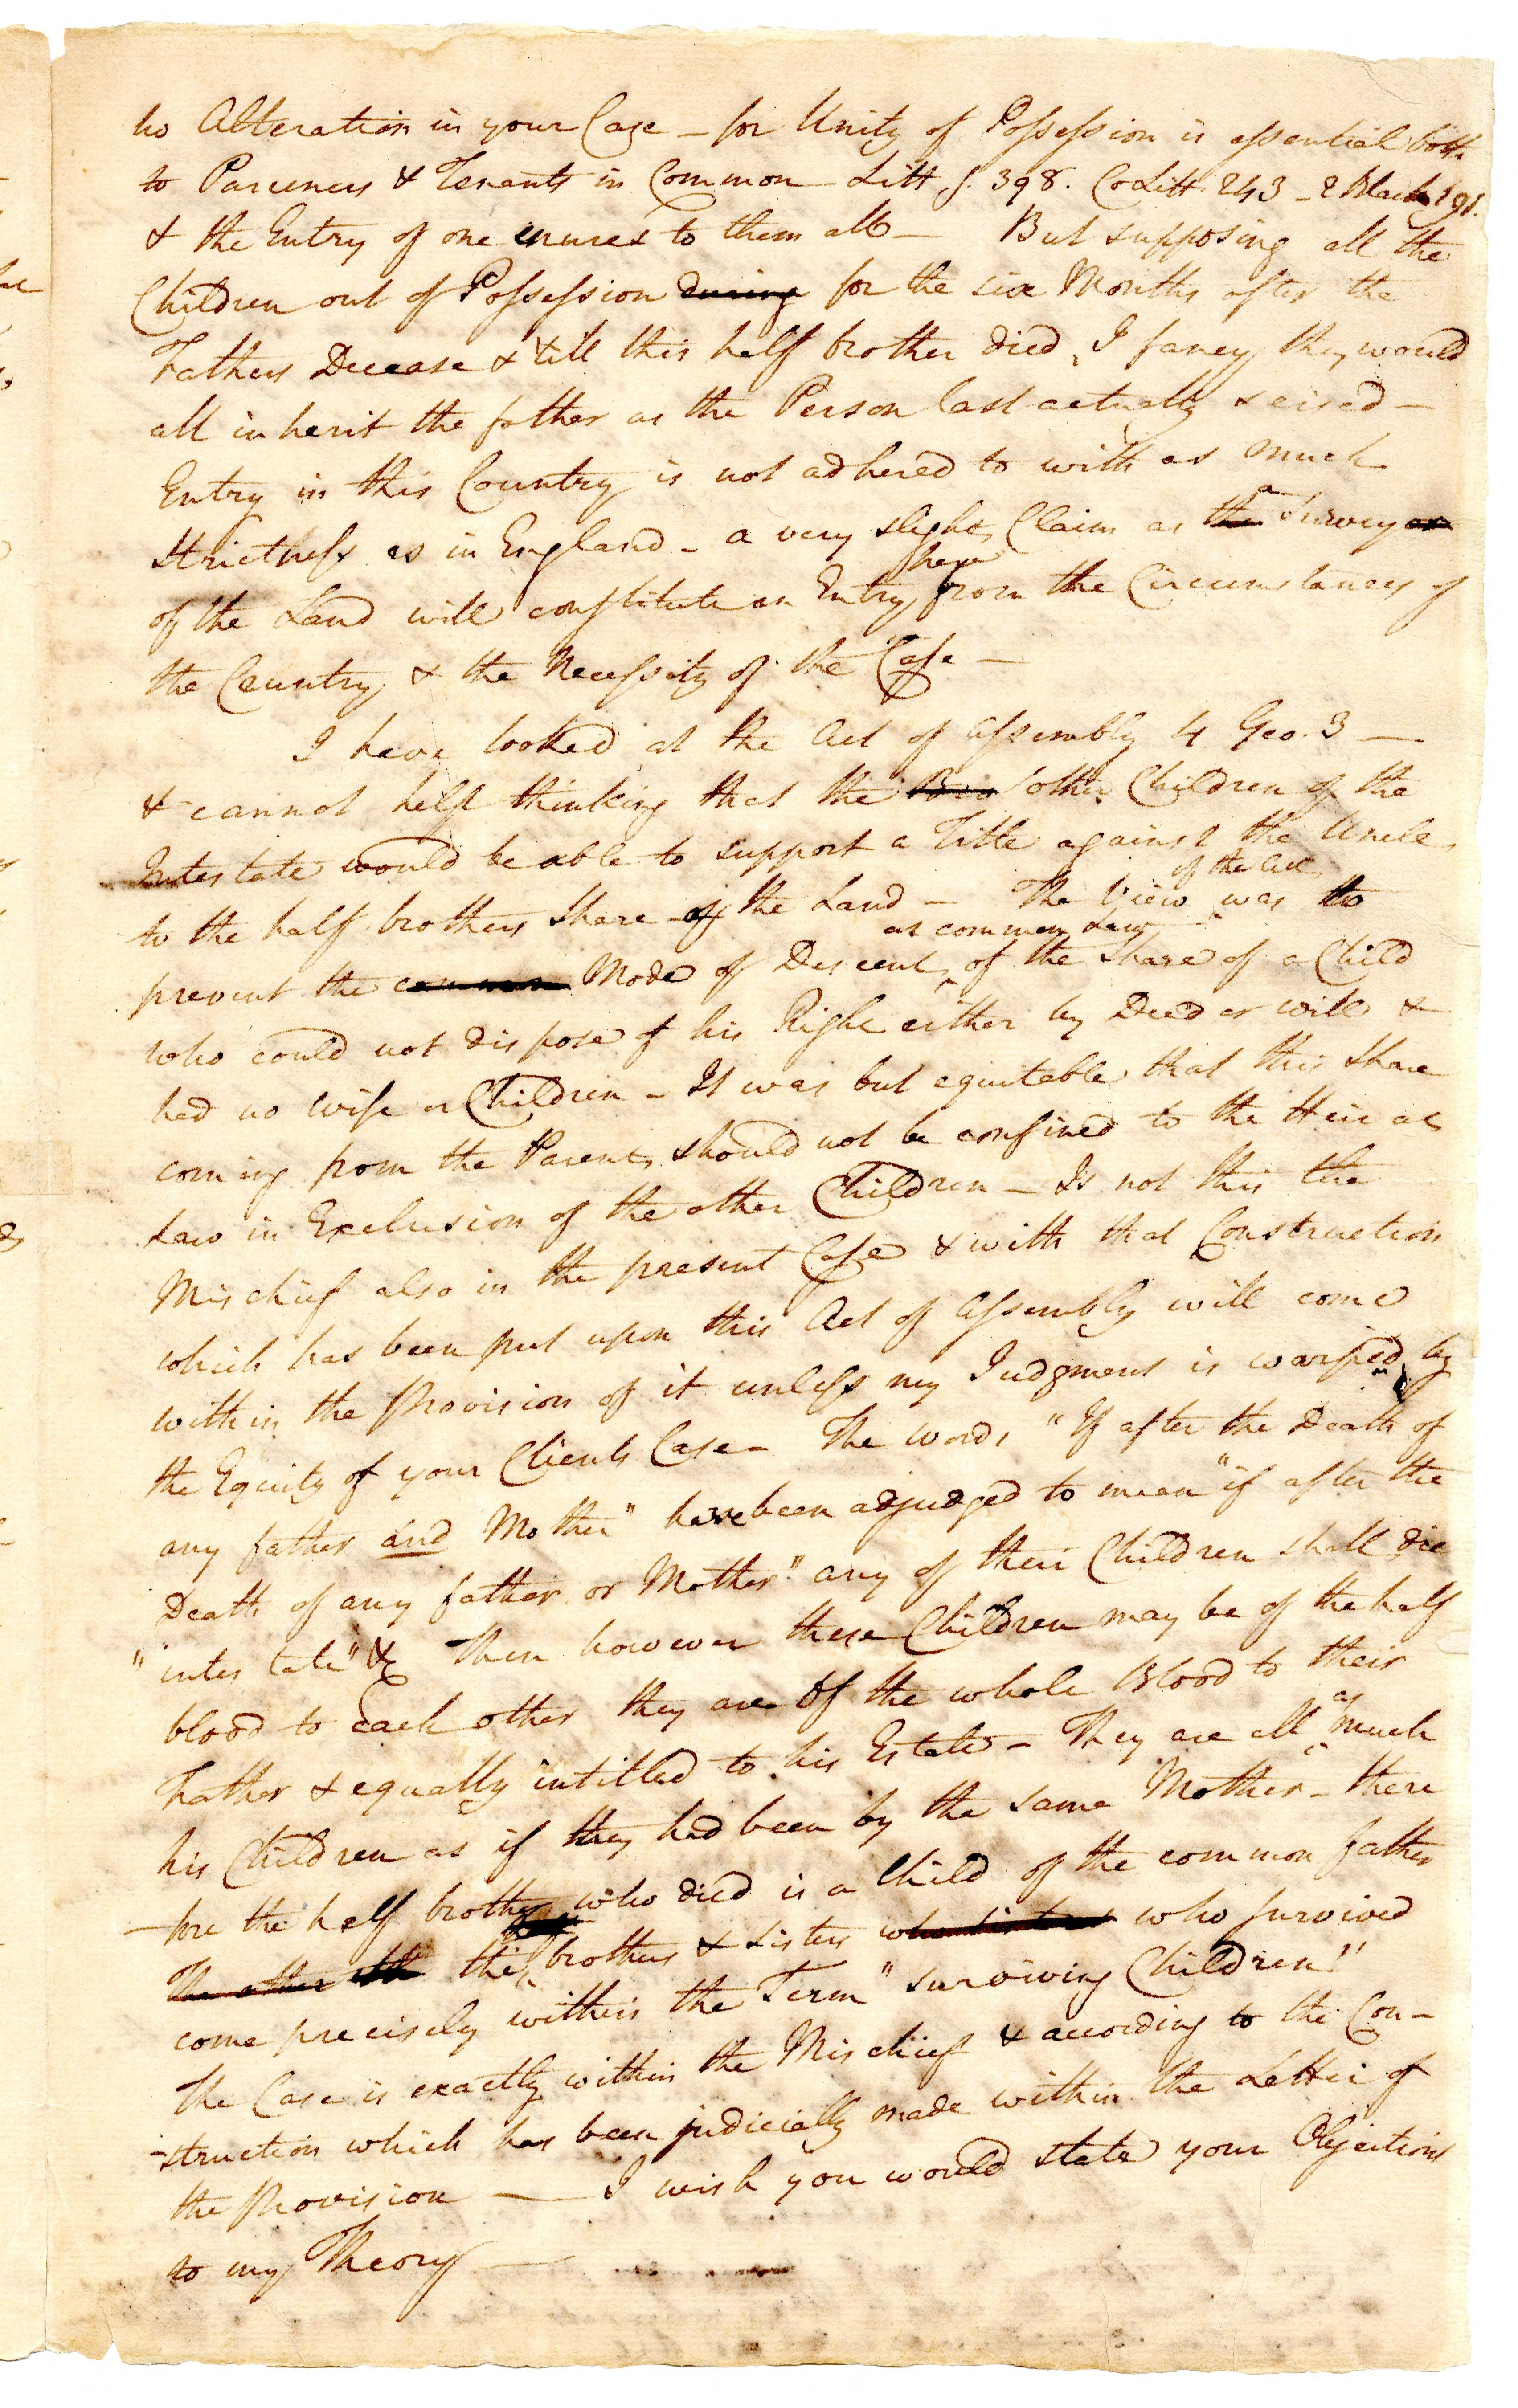no Alteration in your Case- for Unity of Possession is essential both
to Parceners & Tenants in Common- Litt 398. Coditt 243- & Black 191
& the Entry of one enaret to them all- But supposing all the
Children out of Possession [during] for the six Months after the
Fathers Decease & 'till this half Brother died, I fancy they would
all inherit the father as the Person Cast actually seised-
Entry in this Country is not adhered to with as much
a
Strictness as in England. a very slight Claim as [the] Survey [__]
here
of the Land will constitute an Entry ^ from the Circumstances of
the Country & the Necessity of the Case.
I have looked at the Act of Assembly 4 Geo. 3-
& cannot help thinking that the [Bro] other Children of the
Interstate would be able to support a Title against the Uncle
of the Act
to the half brothers Share off the Land- The View ^ was to
as common Law
prevent the [common] Mode of Descent ^ of the Share of a Child
who could not dispose of his Right either by Deed or will &
had no wife or Children. It was but equitable that this share
coming from the Parent, should not be confined to the Heir as
Law in Exclusion of the other Children- Is not this the
Mischief also in the present Case & with that Construction
which has been put upon This Act of Assembly will come
within the Provision of it unless my Judgment is warped by
the Equity of your Clients Case. The words "If after the Death of
any father and Mother" have been adjudged to mean "if after the
Death of any father or Mother" any of their Children shall die
"inter tale" &c then however these Children may be of the half
blood to each other they are of the whole Blood to their
as
Father & equally intitled to his Estate. They are all ^ much
his Children as if they had been by the same Mother- there-
-fore the half brother who died is a Child of the common father
[The other] [___] the brothers & Sisters [_________] who survived
come precisely wither the Term surviving Children"
The Case is exactly within the Mischief & according to the Con-
-struction which has been judicially made within the Letter of
the Provision. I wish you would state your Objections
to my Theory.